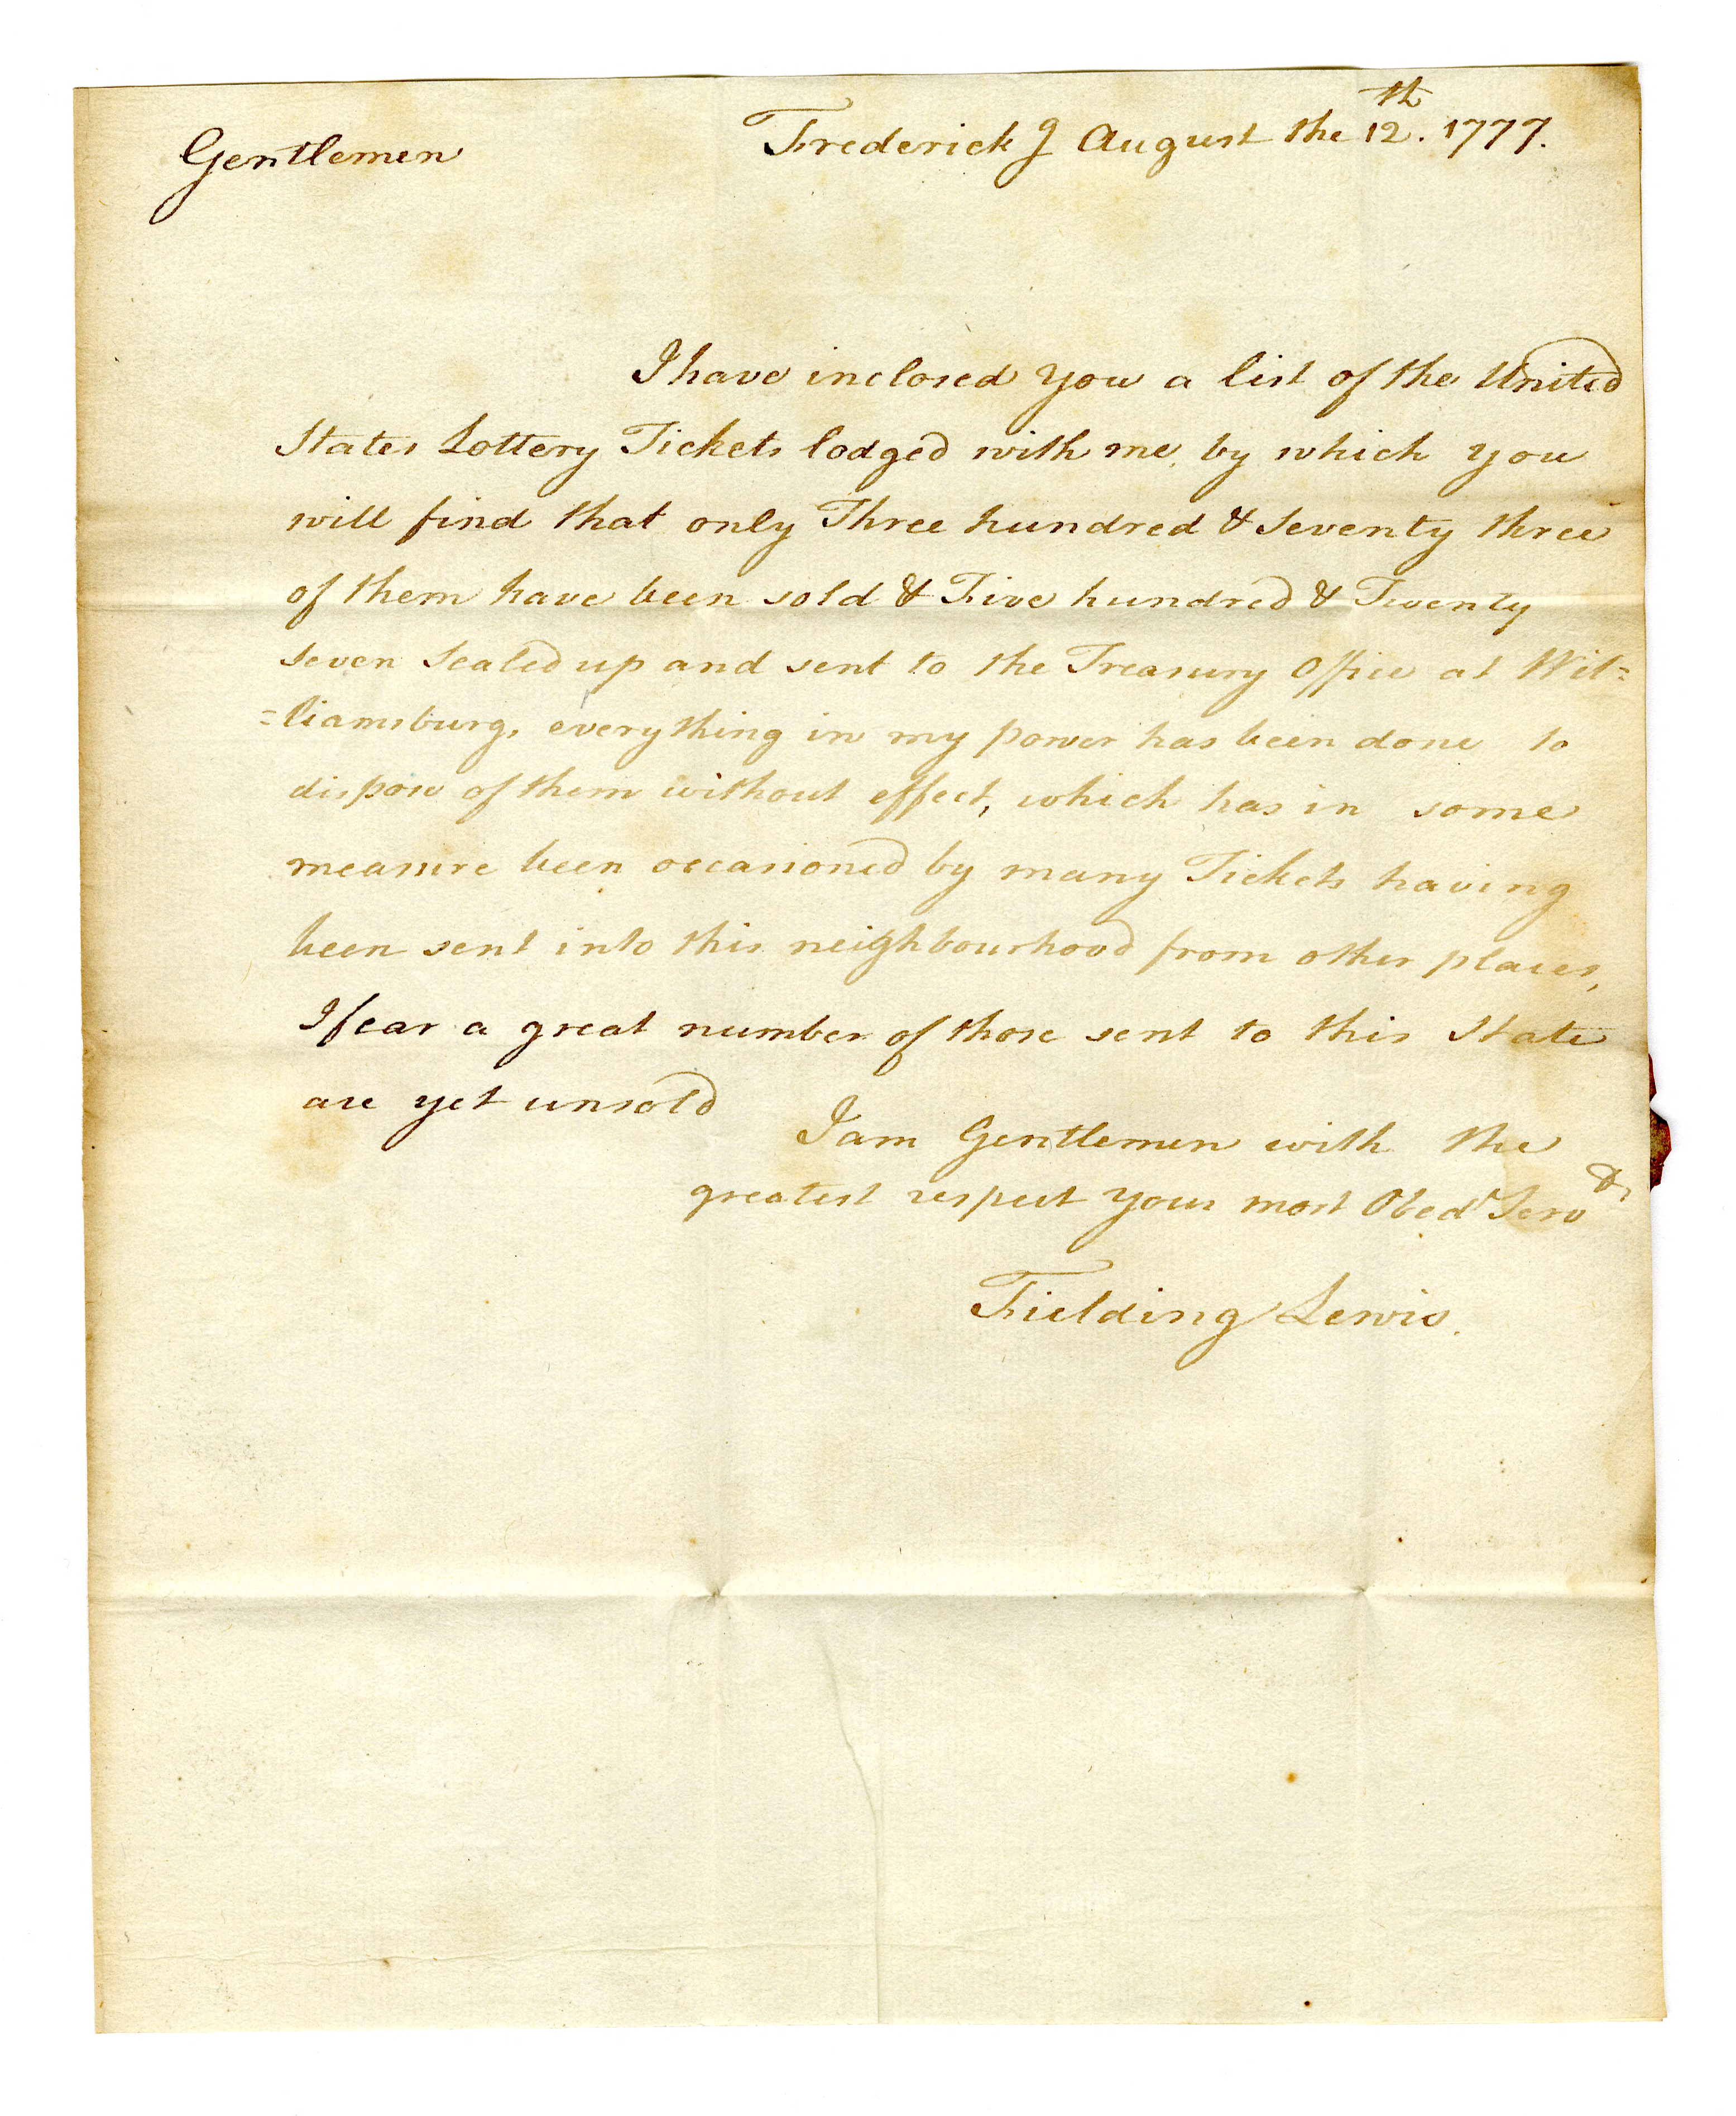Frederick^g August the 12^th. 1777.
Gentlemen
I have inclosed you a list of the United
States Lottery Tickets lodged with me by which you
will find that only Three hundred & seventy three
of them have been sold & Five hundred & Twenty
seven sealed up and send to the Treasury Office at Wil-
-liamsburg, everything in my power has been done to
dispose of them without effect, which has in some
measure been occasioned by many Tickets having
been sent into this neighbourhood from other places,
I fear a great number of those sent to this state
are yet unsold
I am Gentlemen, with the
greatest respect your most Obed Serv^t
Fielding Lewis